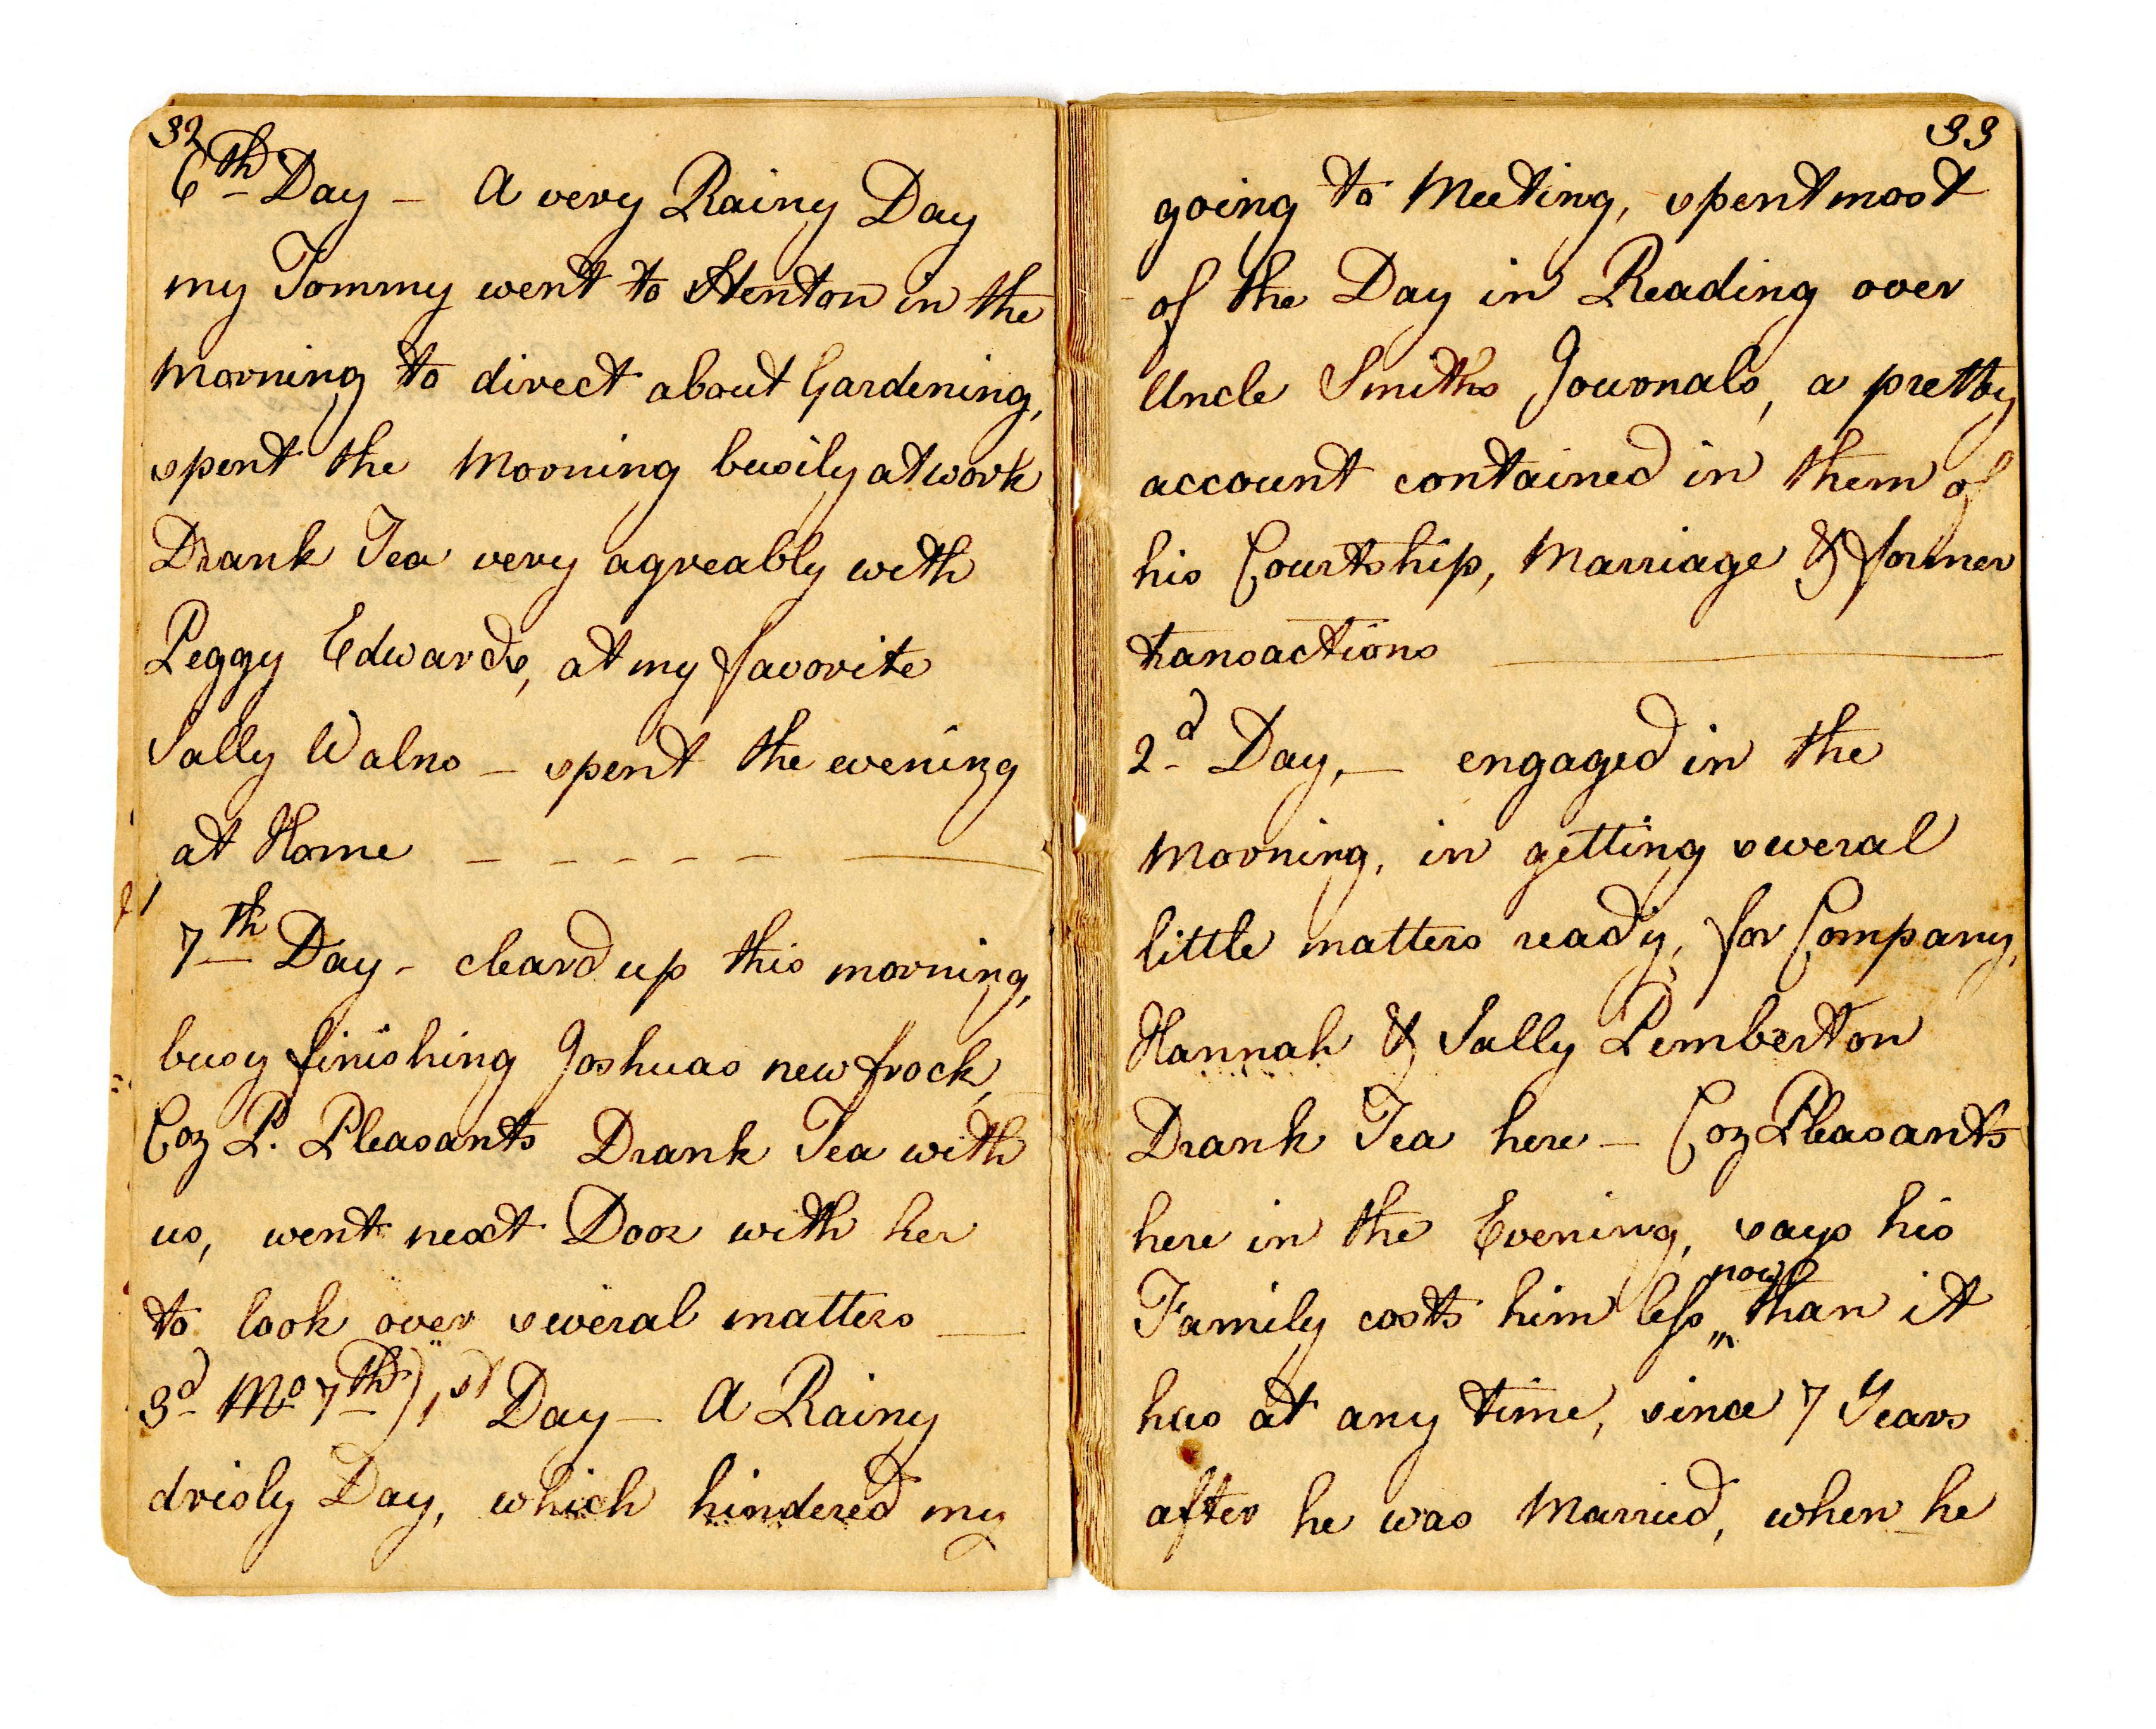32
6^th Day- A very Rainy Day
my Tommy went to Stenton in the
morning to direct about Gardening,
spent the Morning busily at work
Drank Tea very agreably with
Peggy Edwards, at my favorite
Sally Walns- spent the evening
at Home-----
7^th Day- cleard up this morning,
busy finishing Joshuas new frock,
Coz P. Pleasants Drank Tea with
us, went next Door with her
to look over several matters
3^d M^o 7^th) 1^st Day- A Rainy
drisly day, which hindered my
33
going to Meeting, spent most
of the Day in Reading over
Uncle Smiths Journals, a pretty
account contained in them of
his Courtship, Marriage & former
transactions
2^d. Day- engaged in the
Morning, in getting several
little matters ready, for Company,
Hannah & Sally Pemberton
Drank Tea here- Coz Pleasants
here in the Evening, says his
now
Family costs him less ^ than it
has at any time, since 7 Years
after he was Married, when he